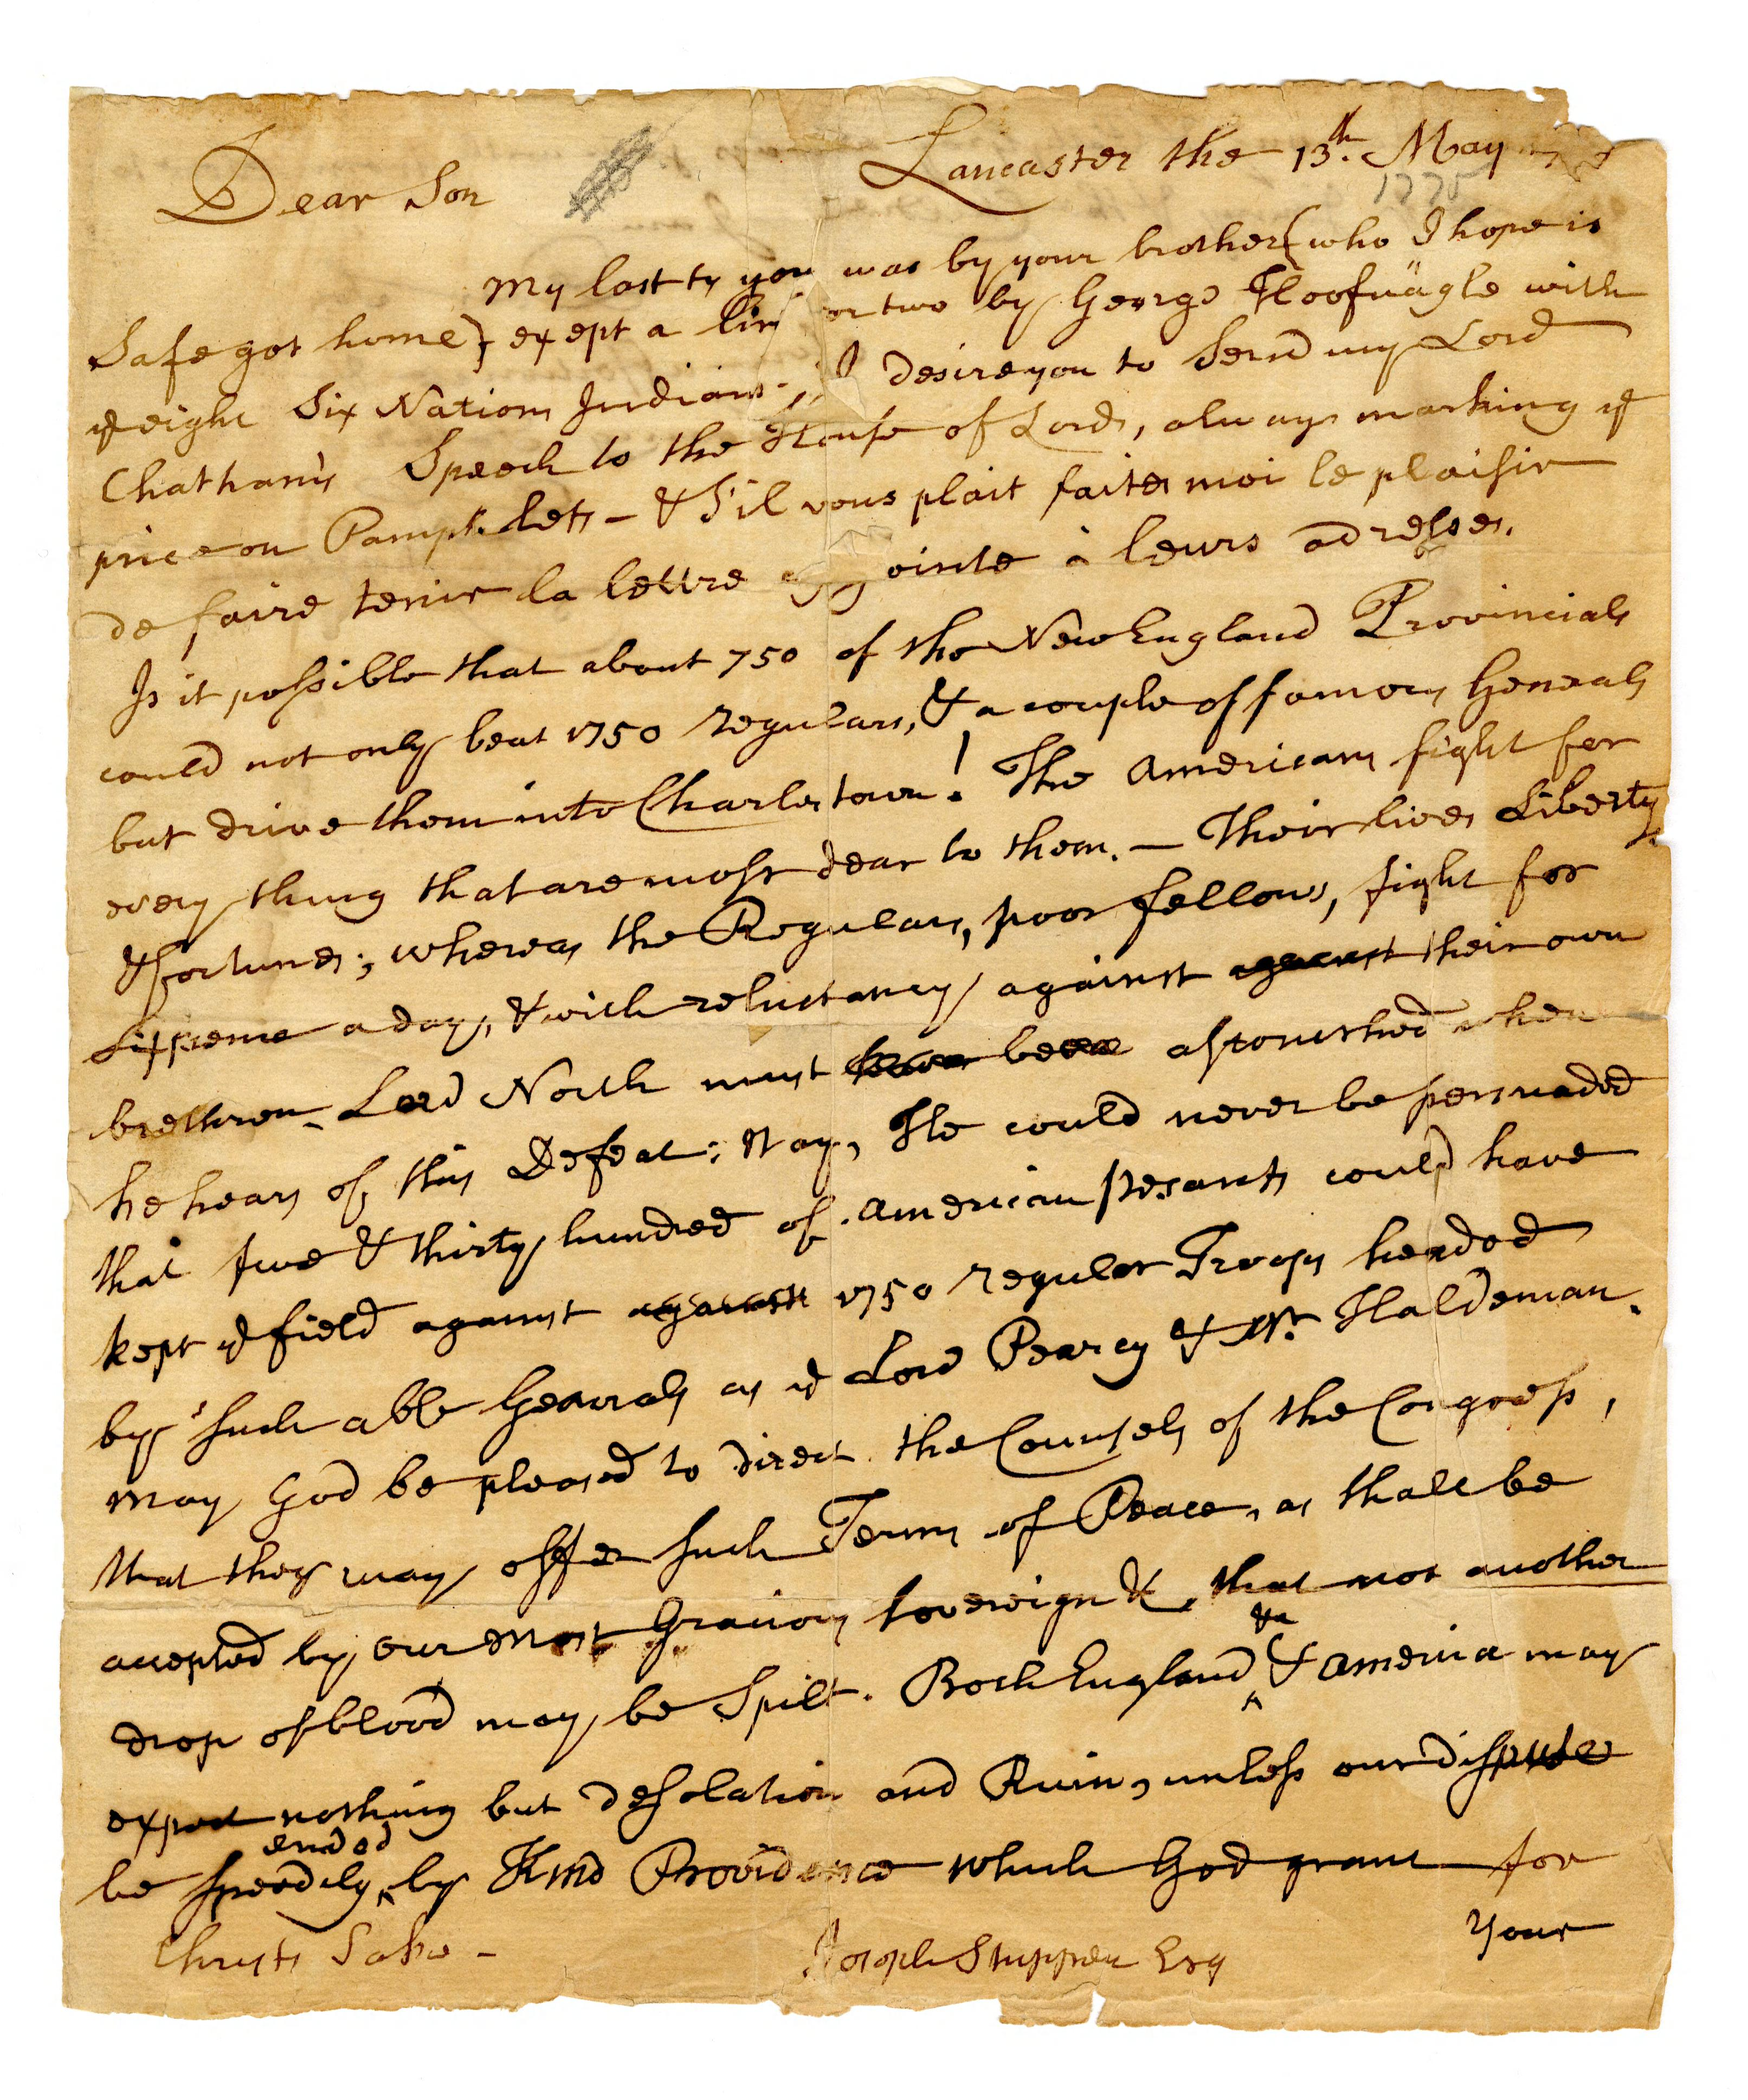Lancaster the 13^th. May
1775
Dear Son
My last fr you was by your brother (who I hope is
Safe got home) exept a line or two by George Hoofnagle with
if right Six Nation Indians-, I desire you to send my Lord
Chatham's speech to the House of Lords, always marking of
price on Pamphlets- & Sil vous plait faite moi le plaisir
de faire tenir la lettre [__], vinte a Cours adresses,
Is it possible that about 750 of the New England Provincials
could not only beat 750 Regulars, & a couple of famous Genrals
but drive them into Charlestown! The Americans fight for
every thing that are most dear to them.- Their lives, Liberty
& fortune; whereas the Regular, poor fellows, fight for
Sixpence a day, & with which any against [against] their own
brothers. Lord North must [have been] astonished when
he hears of this Defeat; Nay, He could never be persuaded
that two & thirty hundred of. American pesants could have
kept afield against 750 regular Troops headed
by such able Generals as y^e Lord Pearcy & M^r. Haldeman
may God be pleased to direct the Court of the Congress,
that they may offer such Terms of Peace, as shall be
&c
accepted by our most gracious Sovereign & that not another
drop of blood may be spilt. Both England ^ & America may
expect nothing but desolation and Ruin, unless our dispute
ended
be speedily ^ by Kind Providence-which God grant for
Christs Sake-
Joseph Shippen Esq
Your